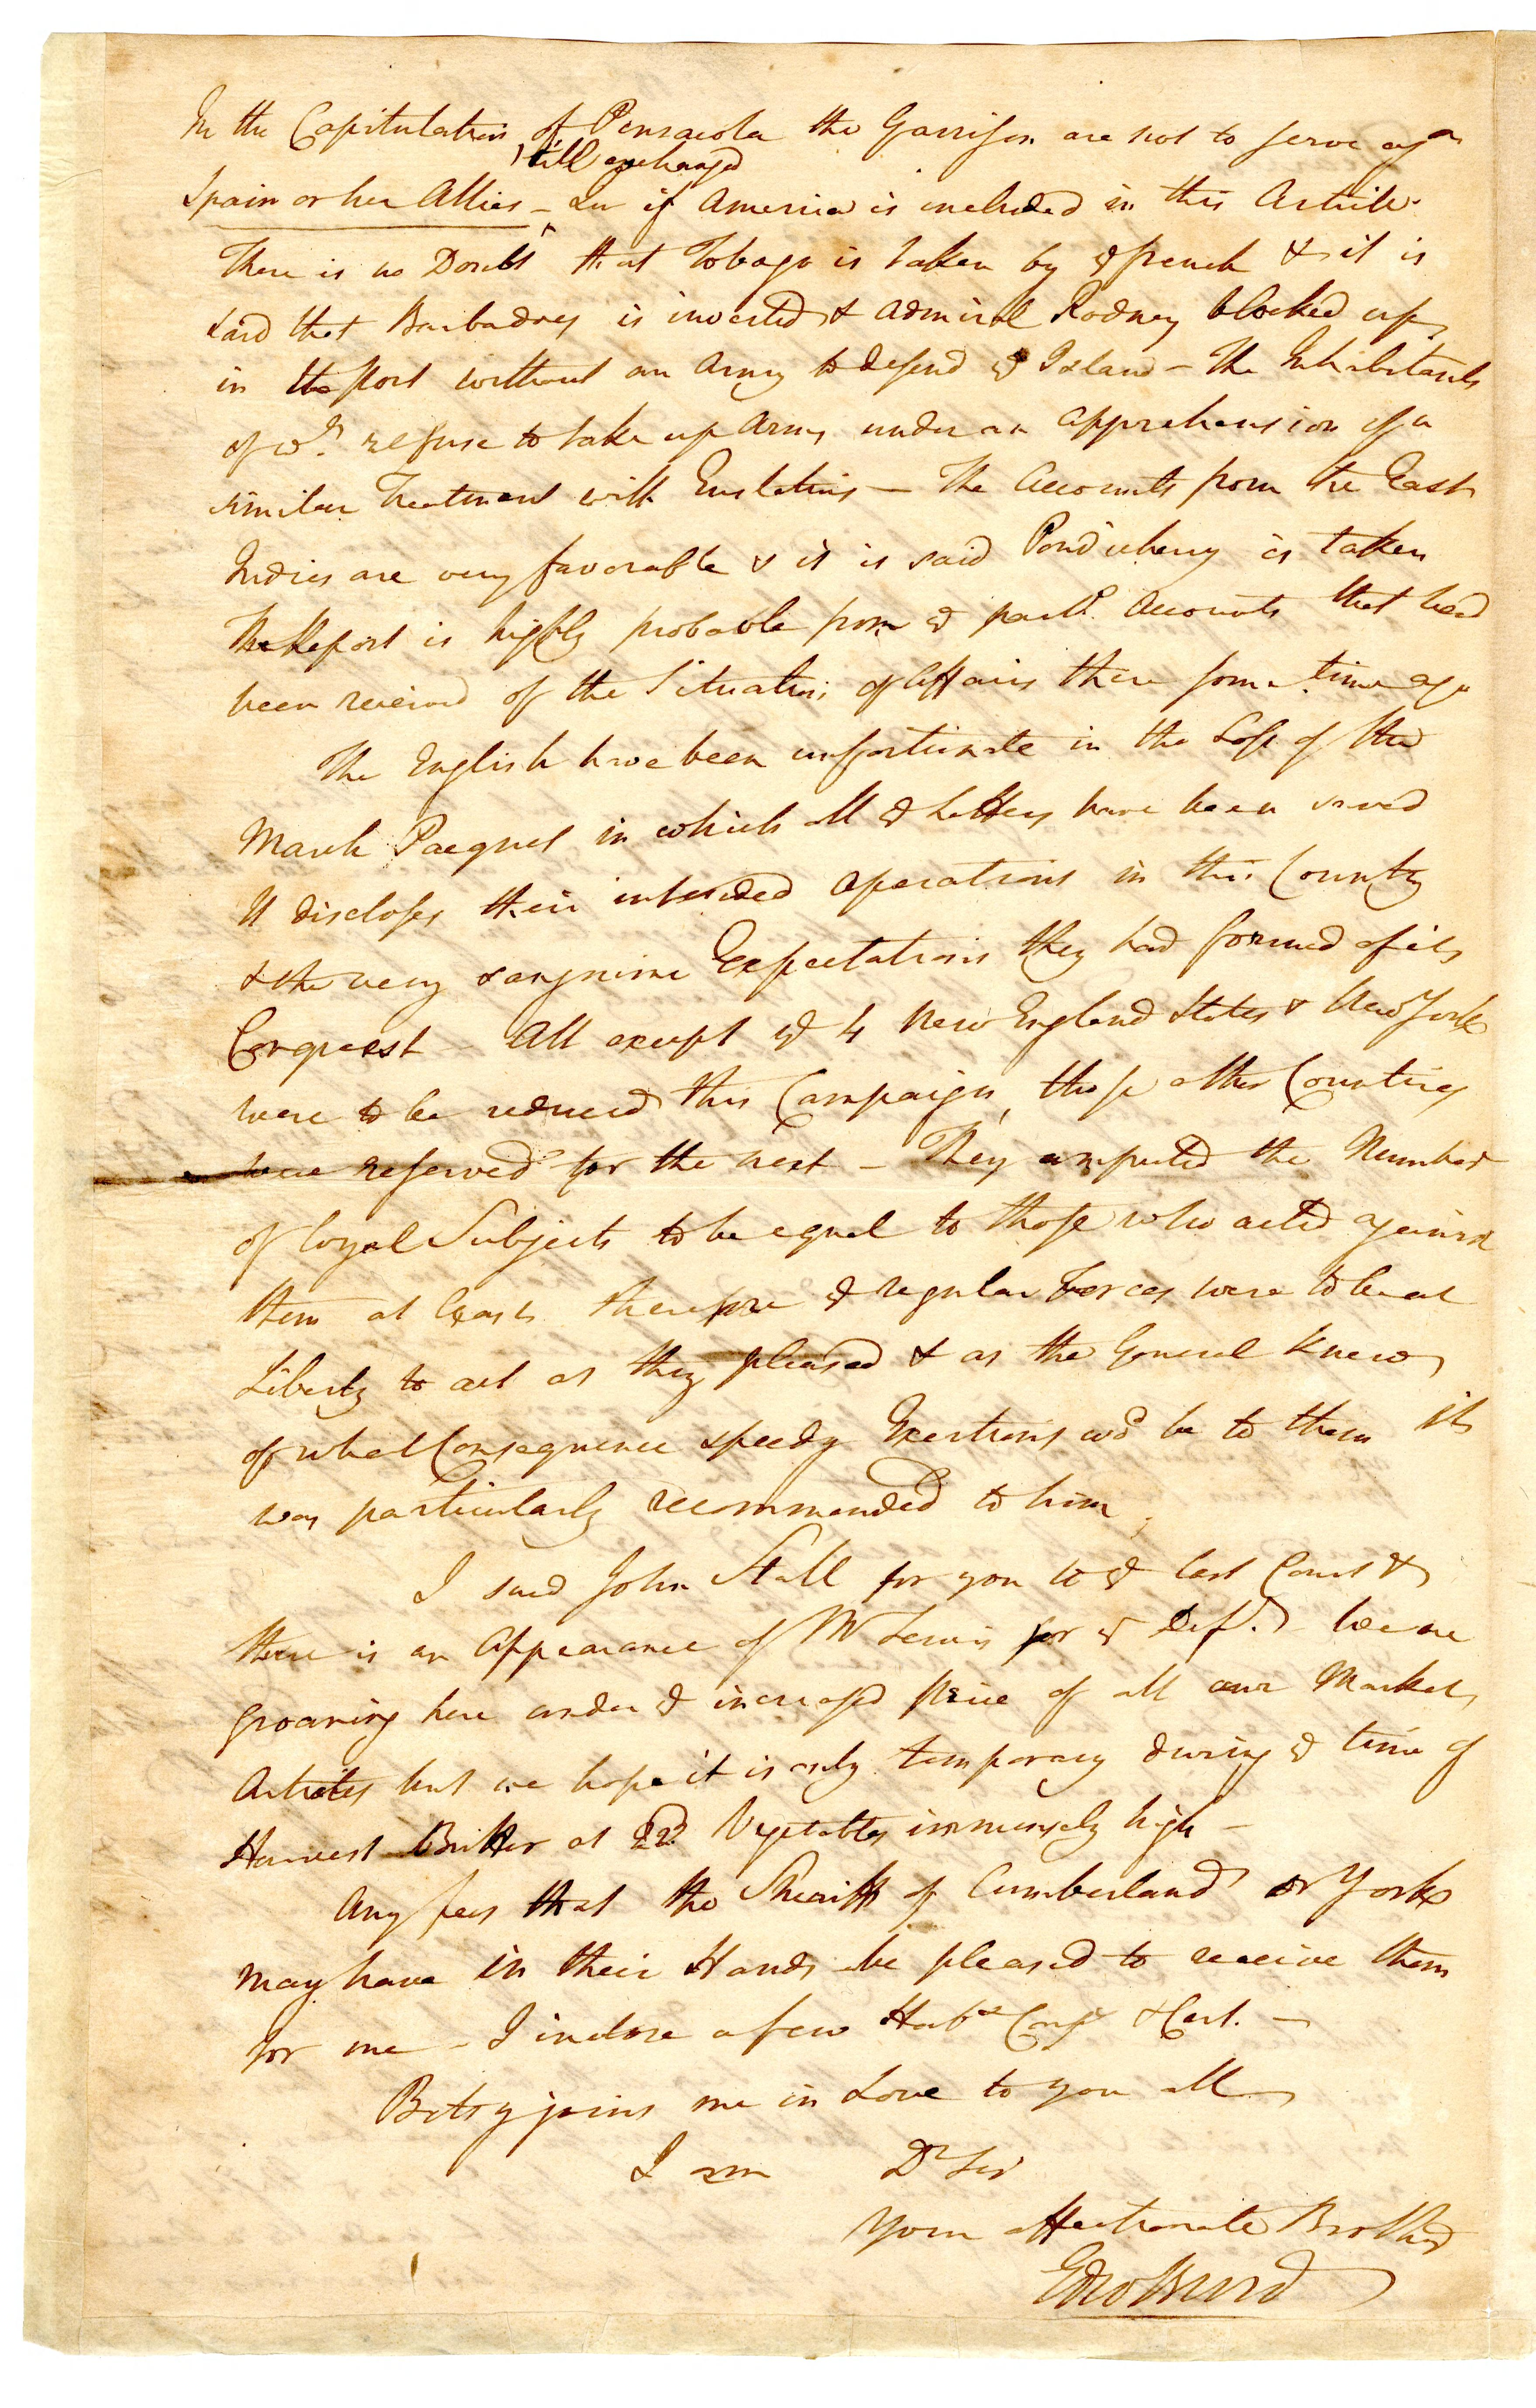In the Capitulation of Pensacola the Garrison are not to serve y^e
still exchanged
Spain or her Allies. In if America is included in the Article
There is no Doubt that Tobago is taken by y^e peach & it is
said that Barbadoes is inverted & Admiral Rodney blocked up
in the port without an Army to defend y^e Island. The Inhabitants
of w^h refuse to take up Arms under an Apprehension of a
similar Treatment will Enstations- The Accounts from the East
Indies are very favorable & it is said Pondicherry is taken
The Report is highly probable from y^e part^l Accounts that had
been received of the Situation of Affairs there some time ago
The English have been unfortunate in the Loss of the
March Paegnet in which all y^e Letters have been saved
& discloses their intended operations in the Country
& the very sangnine Expectations they had formed of its
Conquest. All except y^e 4 New England states & New York
were to be reduced this Campaign, those other Countries
were reserved tor the next. They expected the Number
of loyal Subjects to be equal to those who acted against
them at least therefore y^e regular Forces were to beat
Liberty to act as they pleased & as the General knew
of what Consequence speedy Exertions wo^d be to them it
was particularly recommended to him
I said John Stall for you to y^e last Court &
there is an Appearance of M^r Lewis for y^e Dep^t. become
groaning here under I increased price of all our Market
Articles but we hope it is only temporary during y^e time of
Harriet Butler at 22d Vegetables immensely high
Any few that the Sheriff of Cumberland or York
may have in their Hands be pleased to receive them
tor me. I inclose a few Hab^s Corp^s & Cert
Betty joins me in Love to you all
I am D^r Sir
Your affectionte Brother
Edw Burd